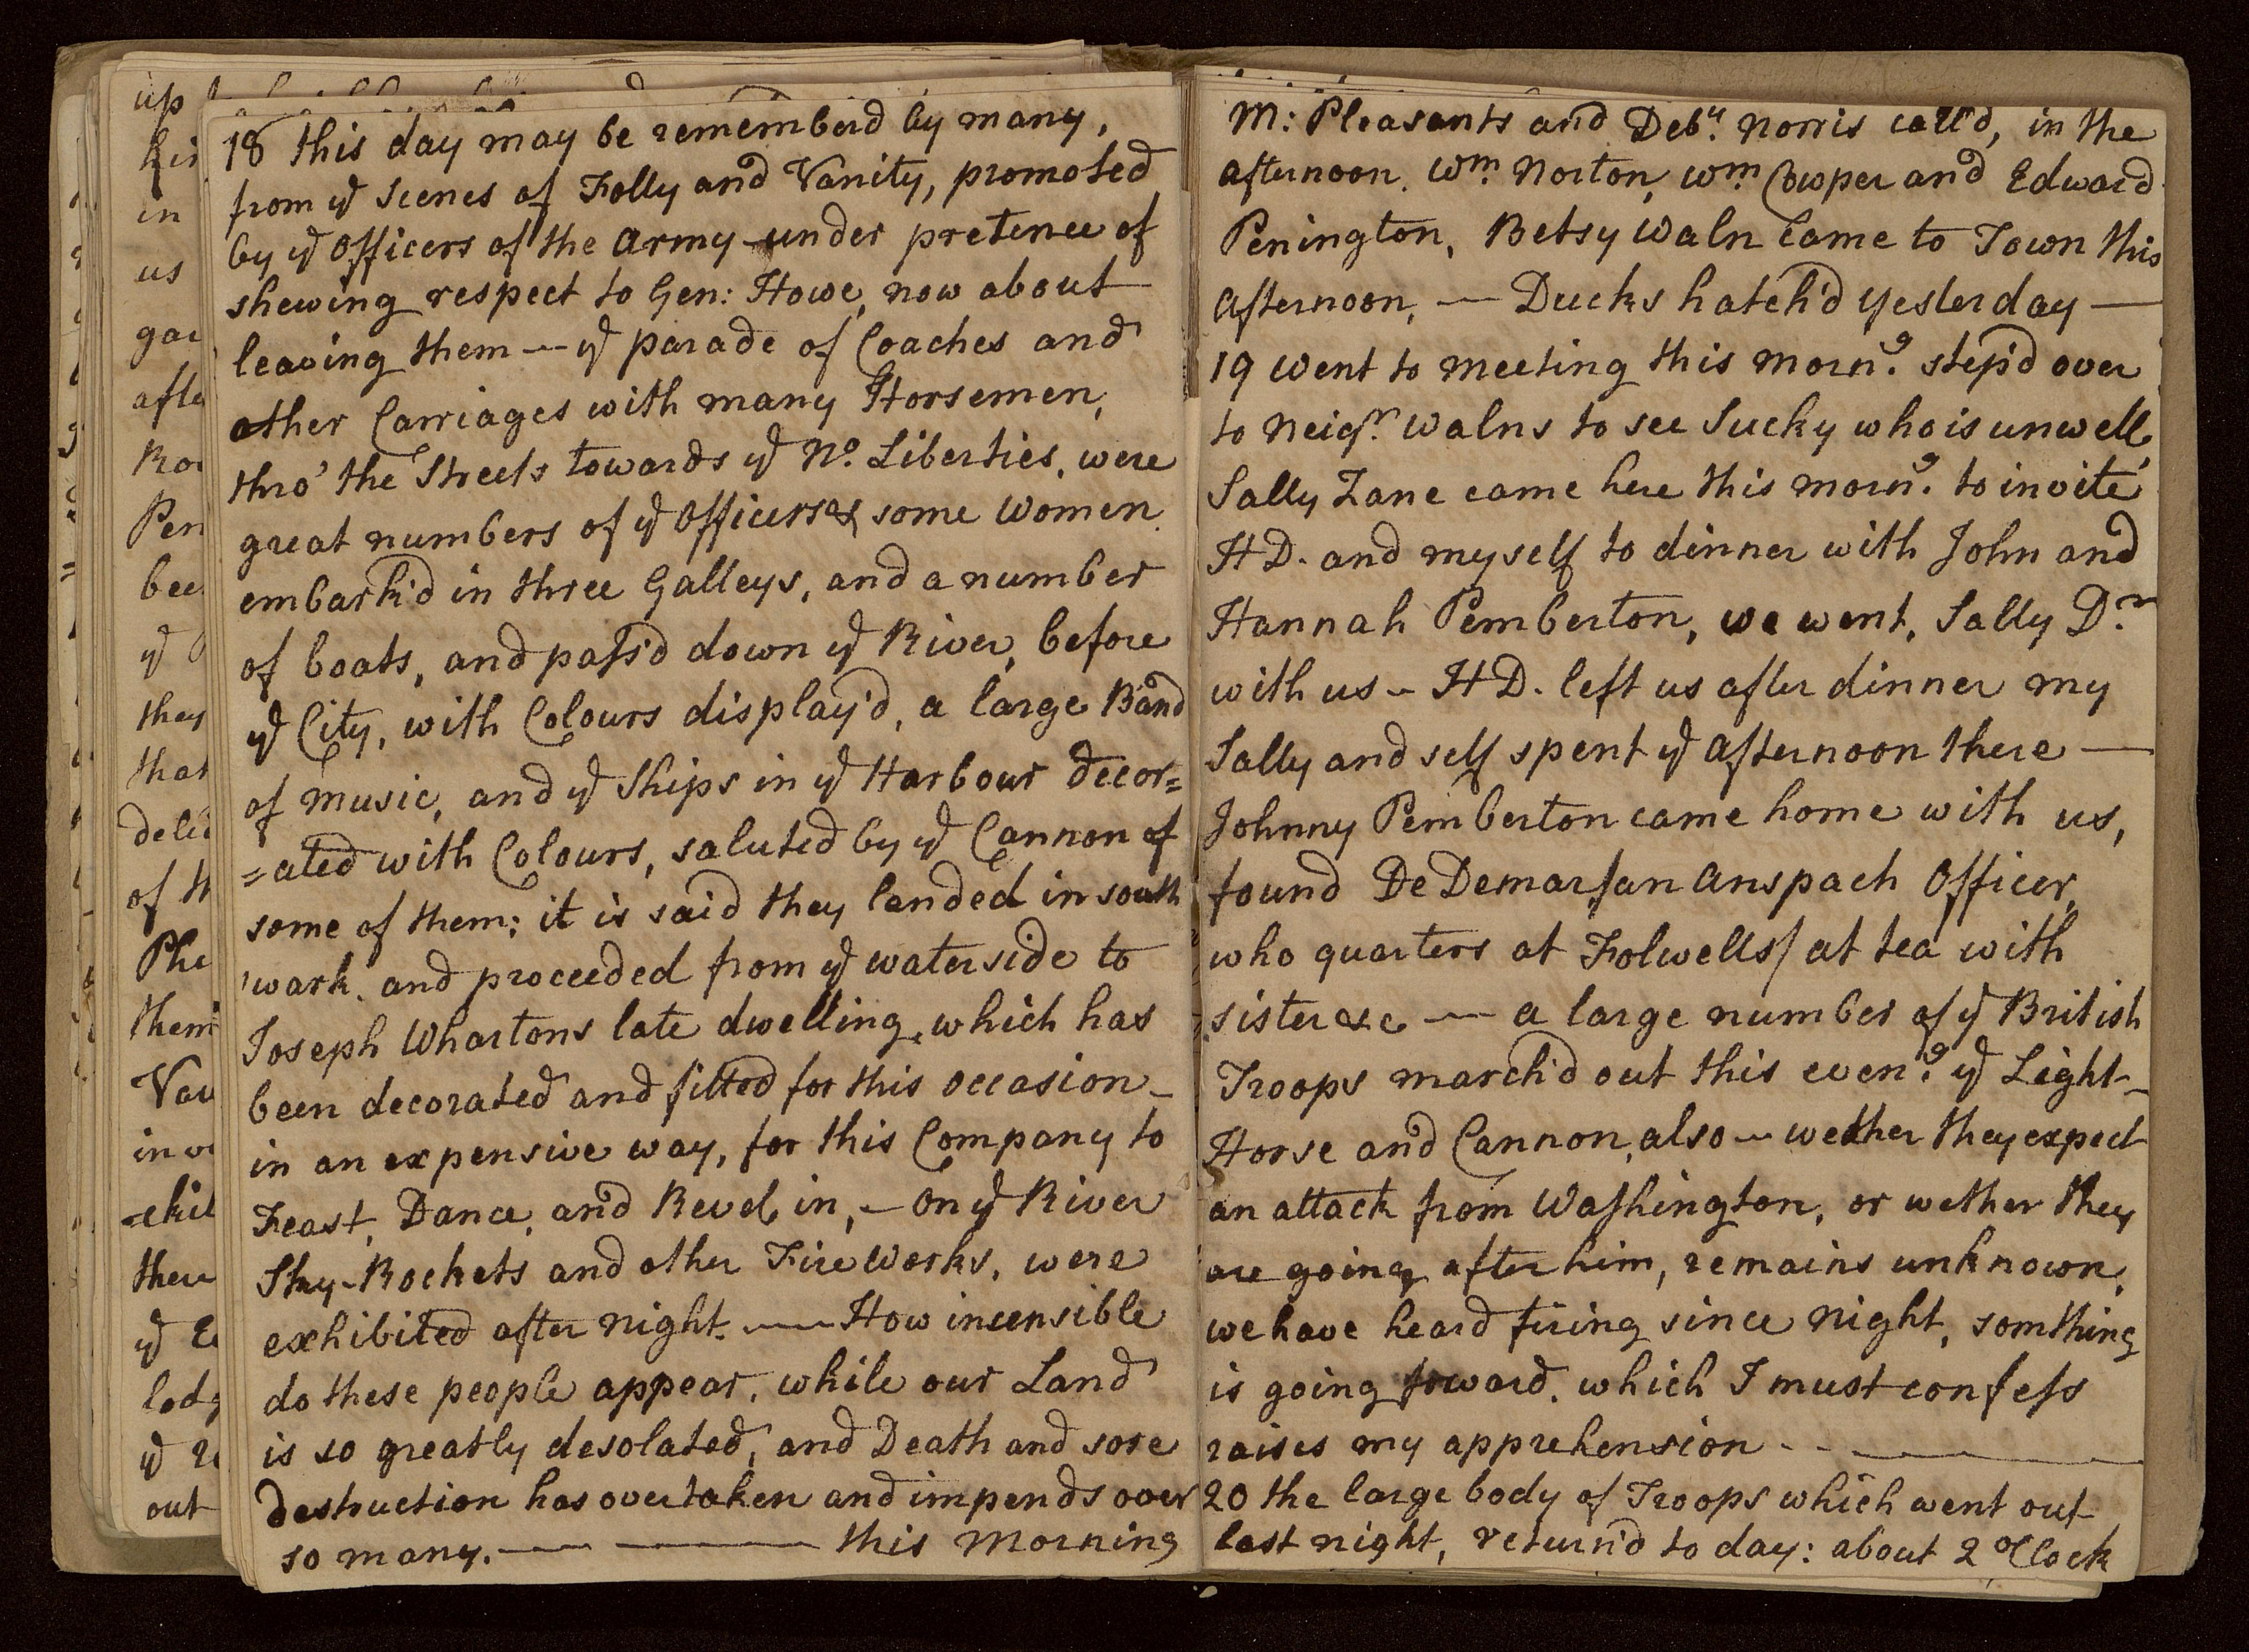18 this day may be rememberd by many,
from y^e scenes of Folly and Vanity, promoted
by y^e officers of the army under pretence of
shewing respect to Gen: Howe, now about
leaving them- y^e parade of Coaches and
other Carriages with many Horsemen,
thro' the streets towards y^e N^o. Liberties, were
great numbers of y^e Officers & some women
embark'd in three Galleys, and a number
of boats, and pass'd down y^e River, before
y^e City, with Colours display'd, a large Band
of music and y^e Ships in y^e Harbour decor-
-ated with Colours, saluted by y^e Cannon of
some of them; it is said they landed in south
wark, and proceeded from y^e waterside to
Joseph Whartons late dwelling, which has
been decorated and fitted for this occasion-
in an expensive way, for this Company to
Feast, Dance, and Revel in,- On y^e River
Sky-Rockets and other Fire Works, were
exhibited after night- How insensible
do these people appear, while our Land
is so greatly desolated, and Death and sore
destruction has over taken and impends over
so many.-- This morning
M: Pleasents and Deb^y. Norris calld, in the
afternoon, W^m. Norton, W^m. Cowper and Edward
Penington, Betsy Waln came to Town this
Afternoon,- Ducks hatch'd Yesterday-
19 Went to meeting this morn^g. step'd over
to Neig^r. Walns to see Sucky who is unwell,
Sally Zane came here this morn^g. to invite
HD. and myself to dinner with John and
Hannah Pemberton, we went, Sally D^r.
with us- H D. left us after dinner my
Sally and self spent y^e afternoon there-
Johnny Pemberton came home with us,
found De Demarsan Anspach Officer
who quarters at Folwells at tea with
sister &c- a large number of y^e British
Troops march'd out this even^g. y^e Light
Horse and Cannon, also- wether they expect
an attack from Washington, or wether they
are going after him, remains unknown.
we have heard firing since night, somthing
is going foward, which I must confess
raises my apprehension--
20 the large body of Troops which went out
last night, return'd to day: about 2 ^o Clock